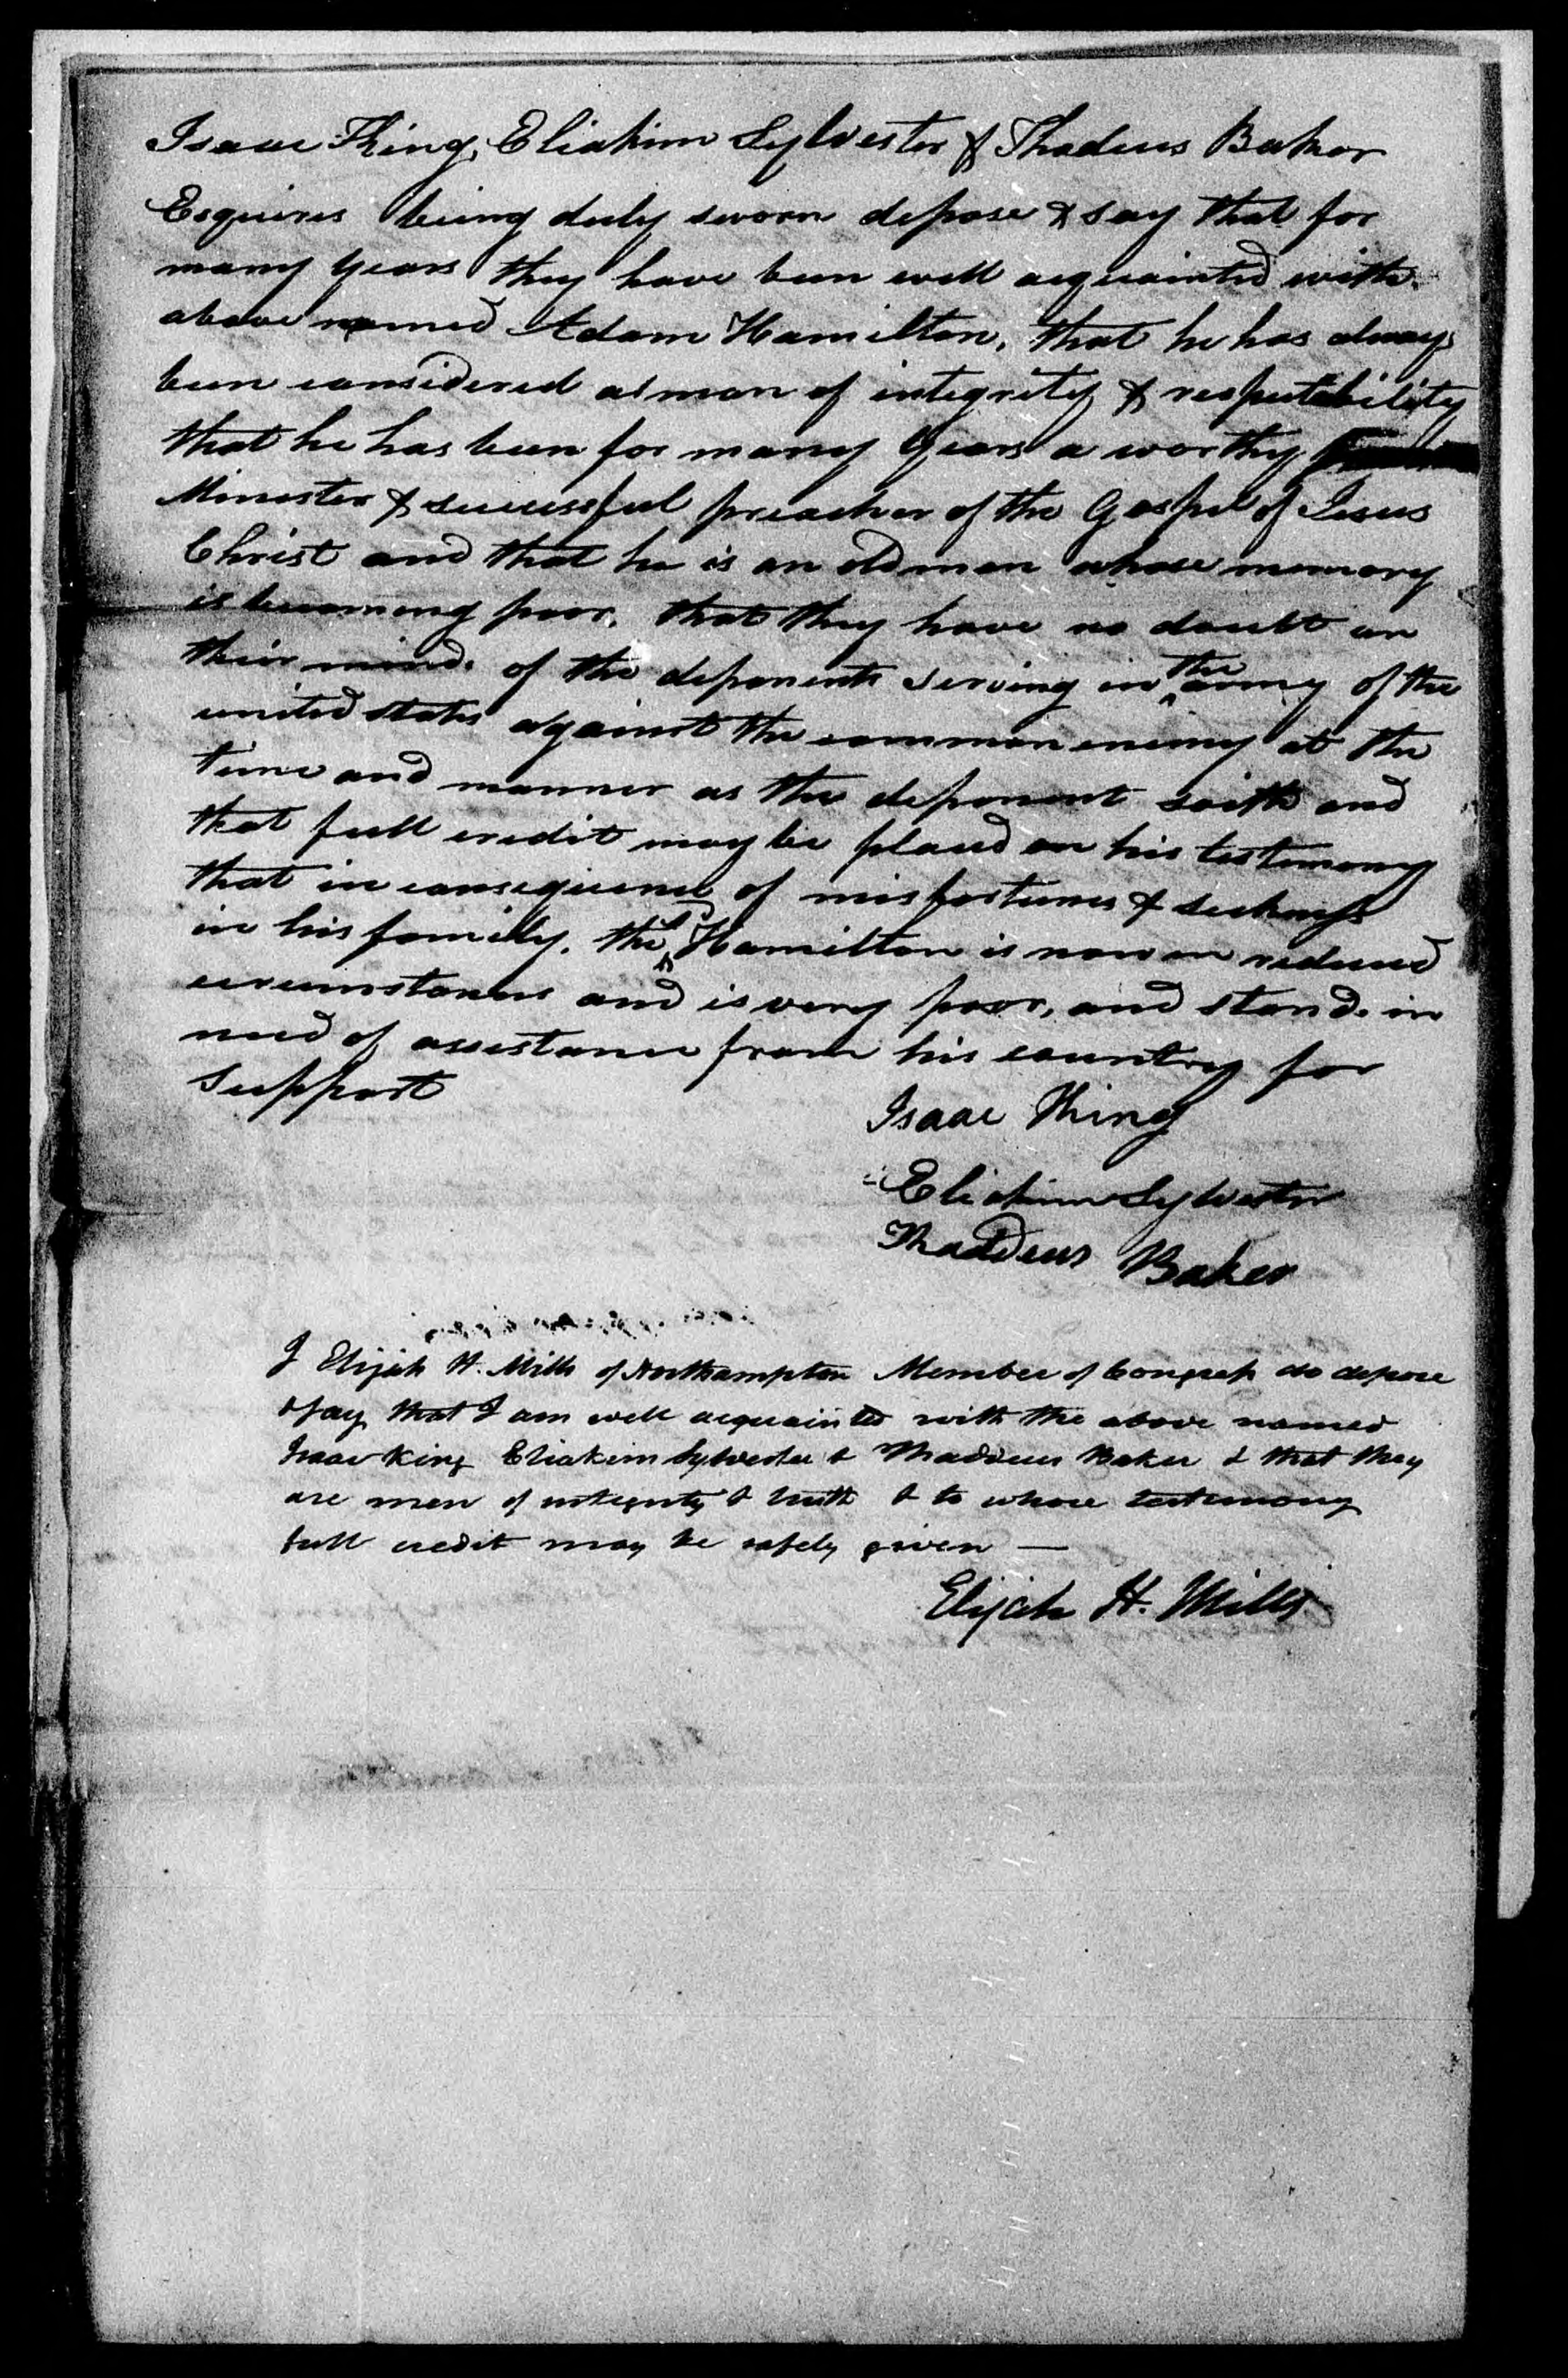Isaac King, Eliakim Sylvester & Thadeus Baker Esquires being duly sworn depose and say that for many years they have been well acquainted with above-named Adam Hamilton, that he has always been considered a man of integrity & respectability, that he has been for many years a worthy Minister & successful preacher of the Gospel of Jesus Christ and that he is an old man whose memory is becoming poor, that they have no doubt in their minds of the deponent's serving in the Amry of the United States against the common enemy at the time and manner as the deponent saith and that full credit may be placed on his testimony that in consequence of misfortunes & (illegible) in his family, the said Hamilton is now in reduced circumstances and is very poor, and stands in need of assistance from his country for support.

                                        //s//
                                     Isaac King
                                     Eliakim Sylvester
                                     Thadeus Baker

I Elijah H. Mills of Northampton, Member of Congress do depose & say that I am well acquainted with the above named Isaac king, Eliakim Sylvester & Thadeus Baker & that they are men of integrity & truth & to whose testimony full credit may be safely given.

                                              //s//
                                   Elijah H. Mills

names: Thaddeus Baker, Thadeus Baker, Elijah H Mills, Thaddeus Baker, Hamilton, Isaac King, Eliakim Sylvester, Eliakim Sylvester, Isaac King, Adam Hamilton, Elijah H Mills, Isaac King, Eliakim Sylvester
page: 6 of 12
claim: survivor's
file: S. 32796, Adam Hamilton, Penn.